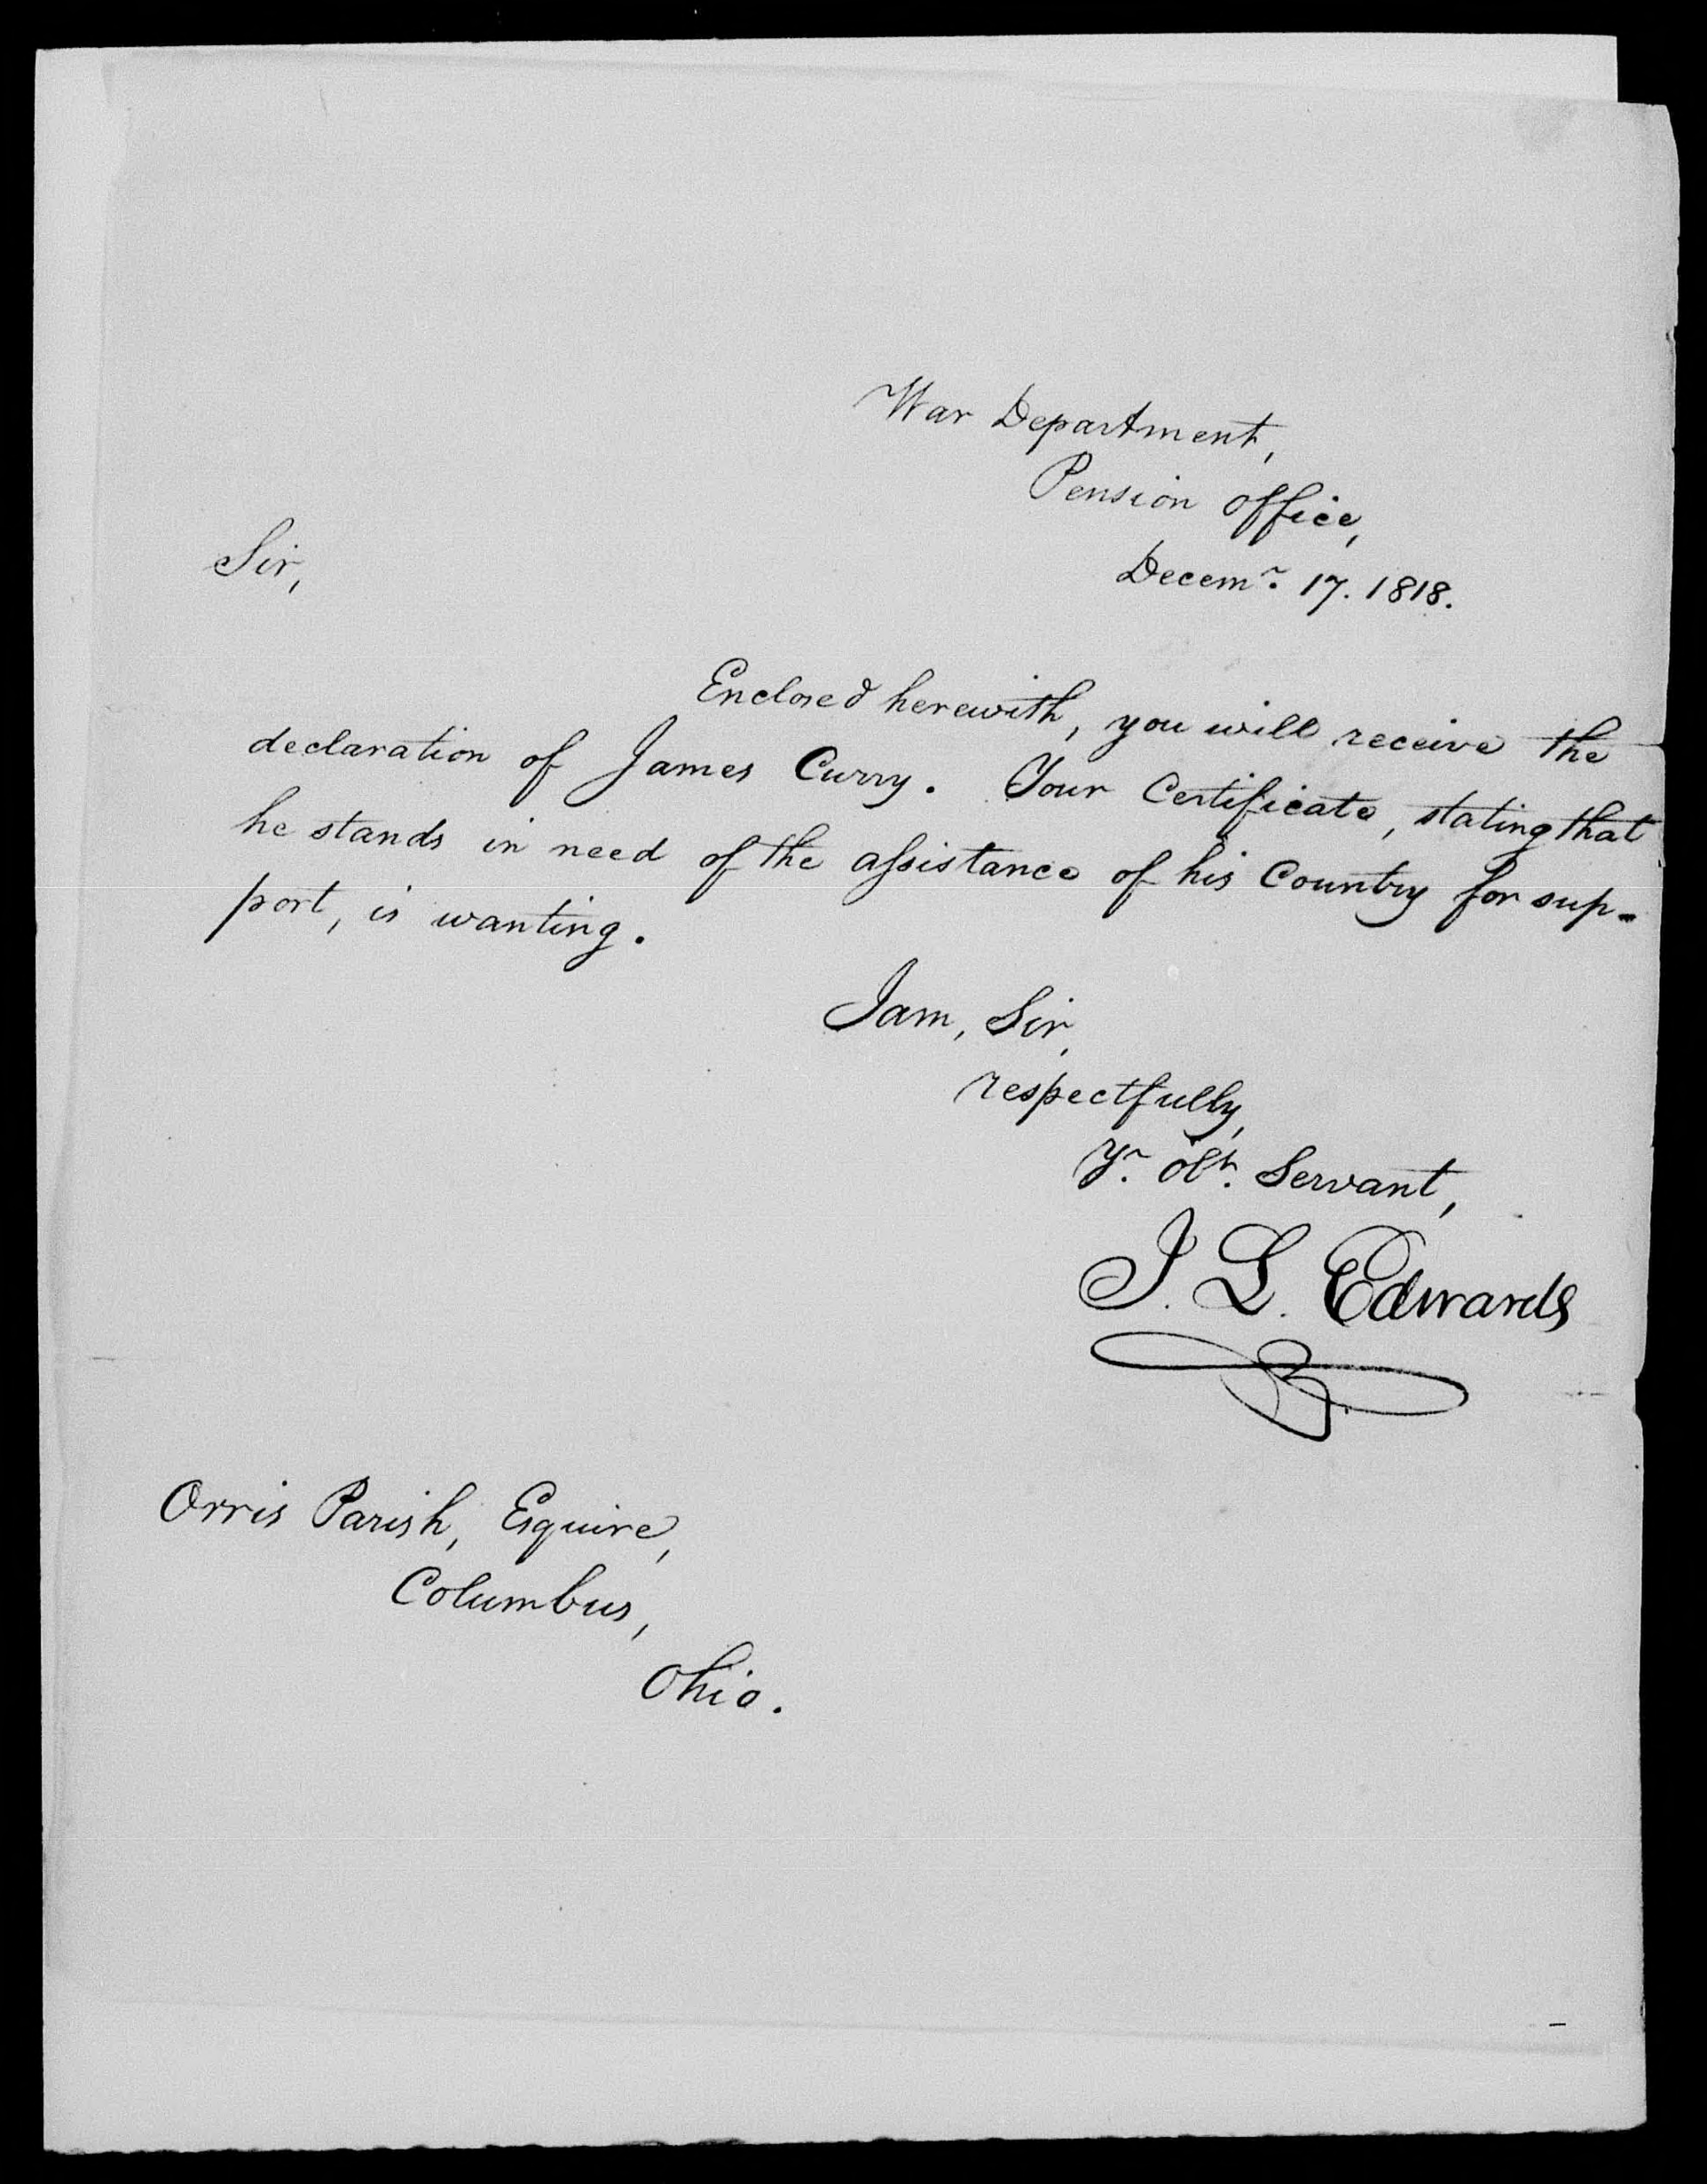War Department
Pension Office
Decemr. 17. 1818.
Sir,
Enclosed herewith, you will receive the
declaration of James Curry. Your certificate, stating that
he stands in need of the assistance of his Country for support,
is wanting.
I am, Sir,
respectfully,
yr. obt. Servant,
J.L. Edwards

Orris Parish, Esquire
Columbus,
Ohio.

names: J L Edwards, James Curry, Orris Parish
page: 16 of 32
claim: survivor's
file: S. 44230, James Curry, Va.